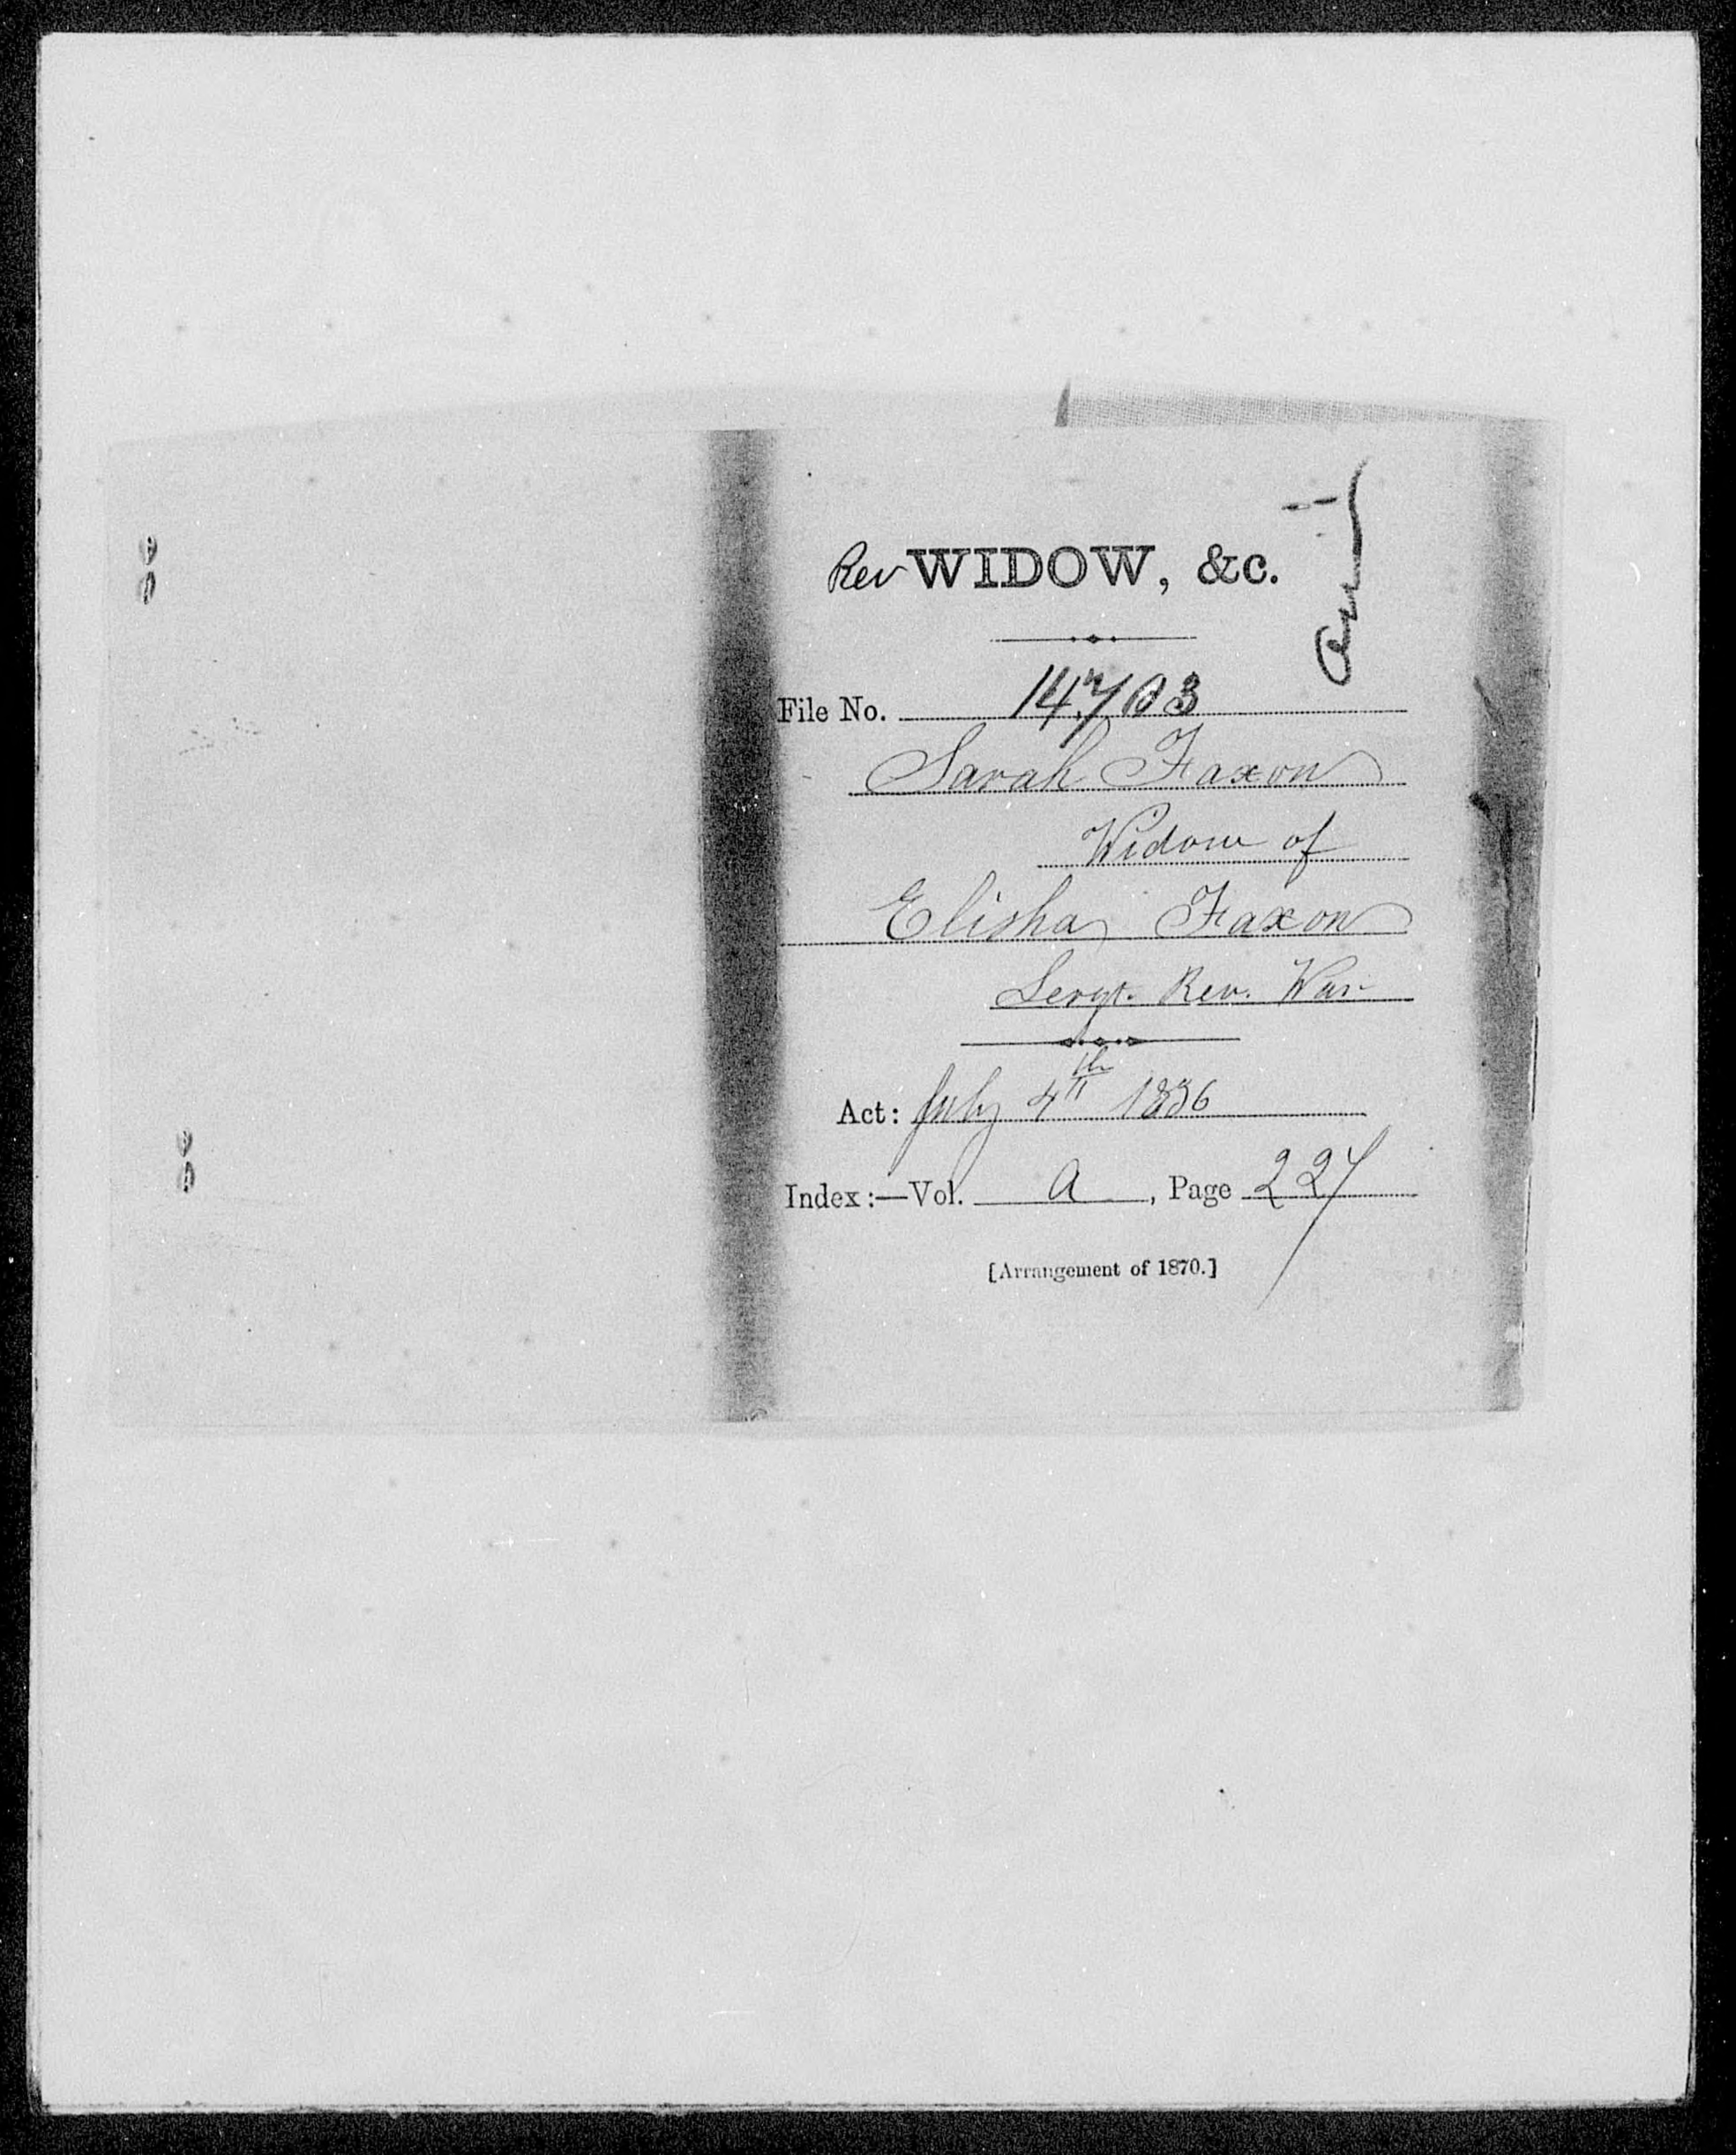Rev. Widow, &c.
File No. 14703
Sarah Faxon
Widow of Elisha Faxon
Sergt. Rev War
Act: July 4th 1826
Index: -Vol. A, Page 224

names: Elisha Faxon, Sarah Faxon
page: 16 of 47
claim: widow's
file: W. 14703, Elisha Faxon, Mass